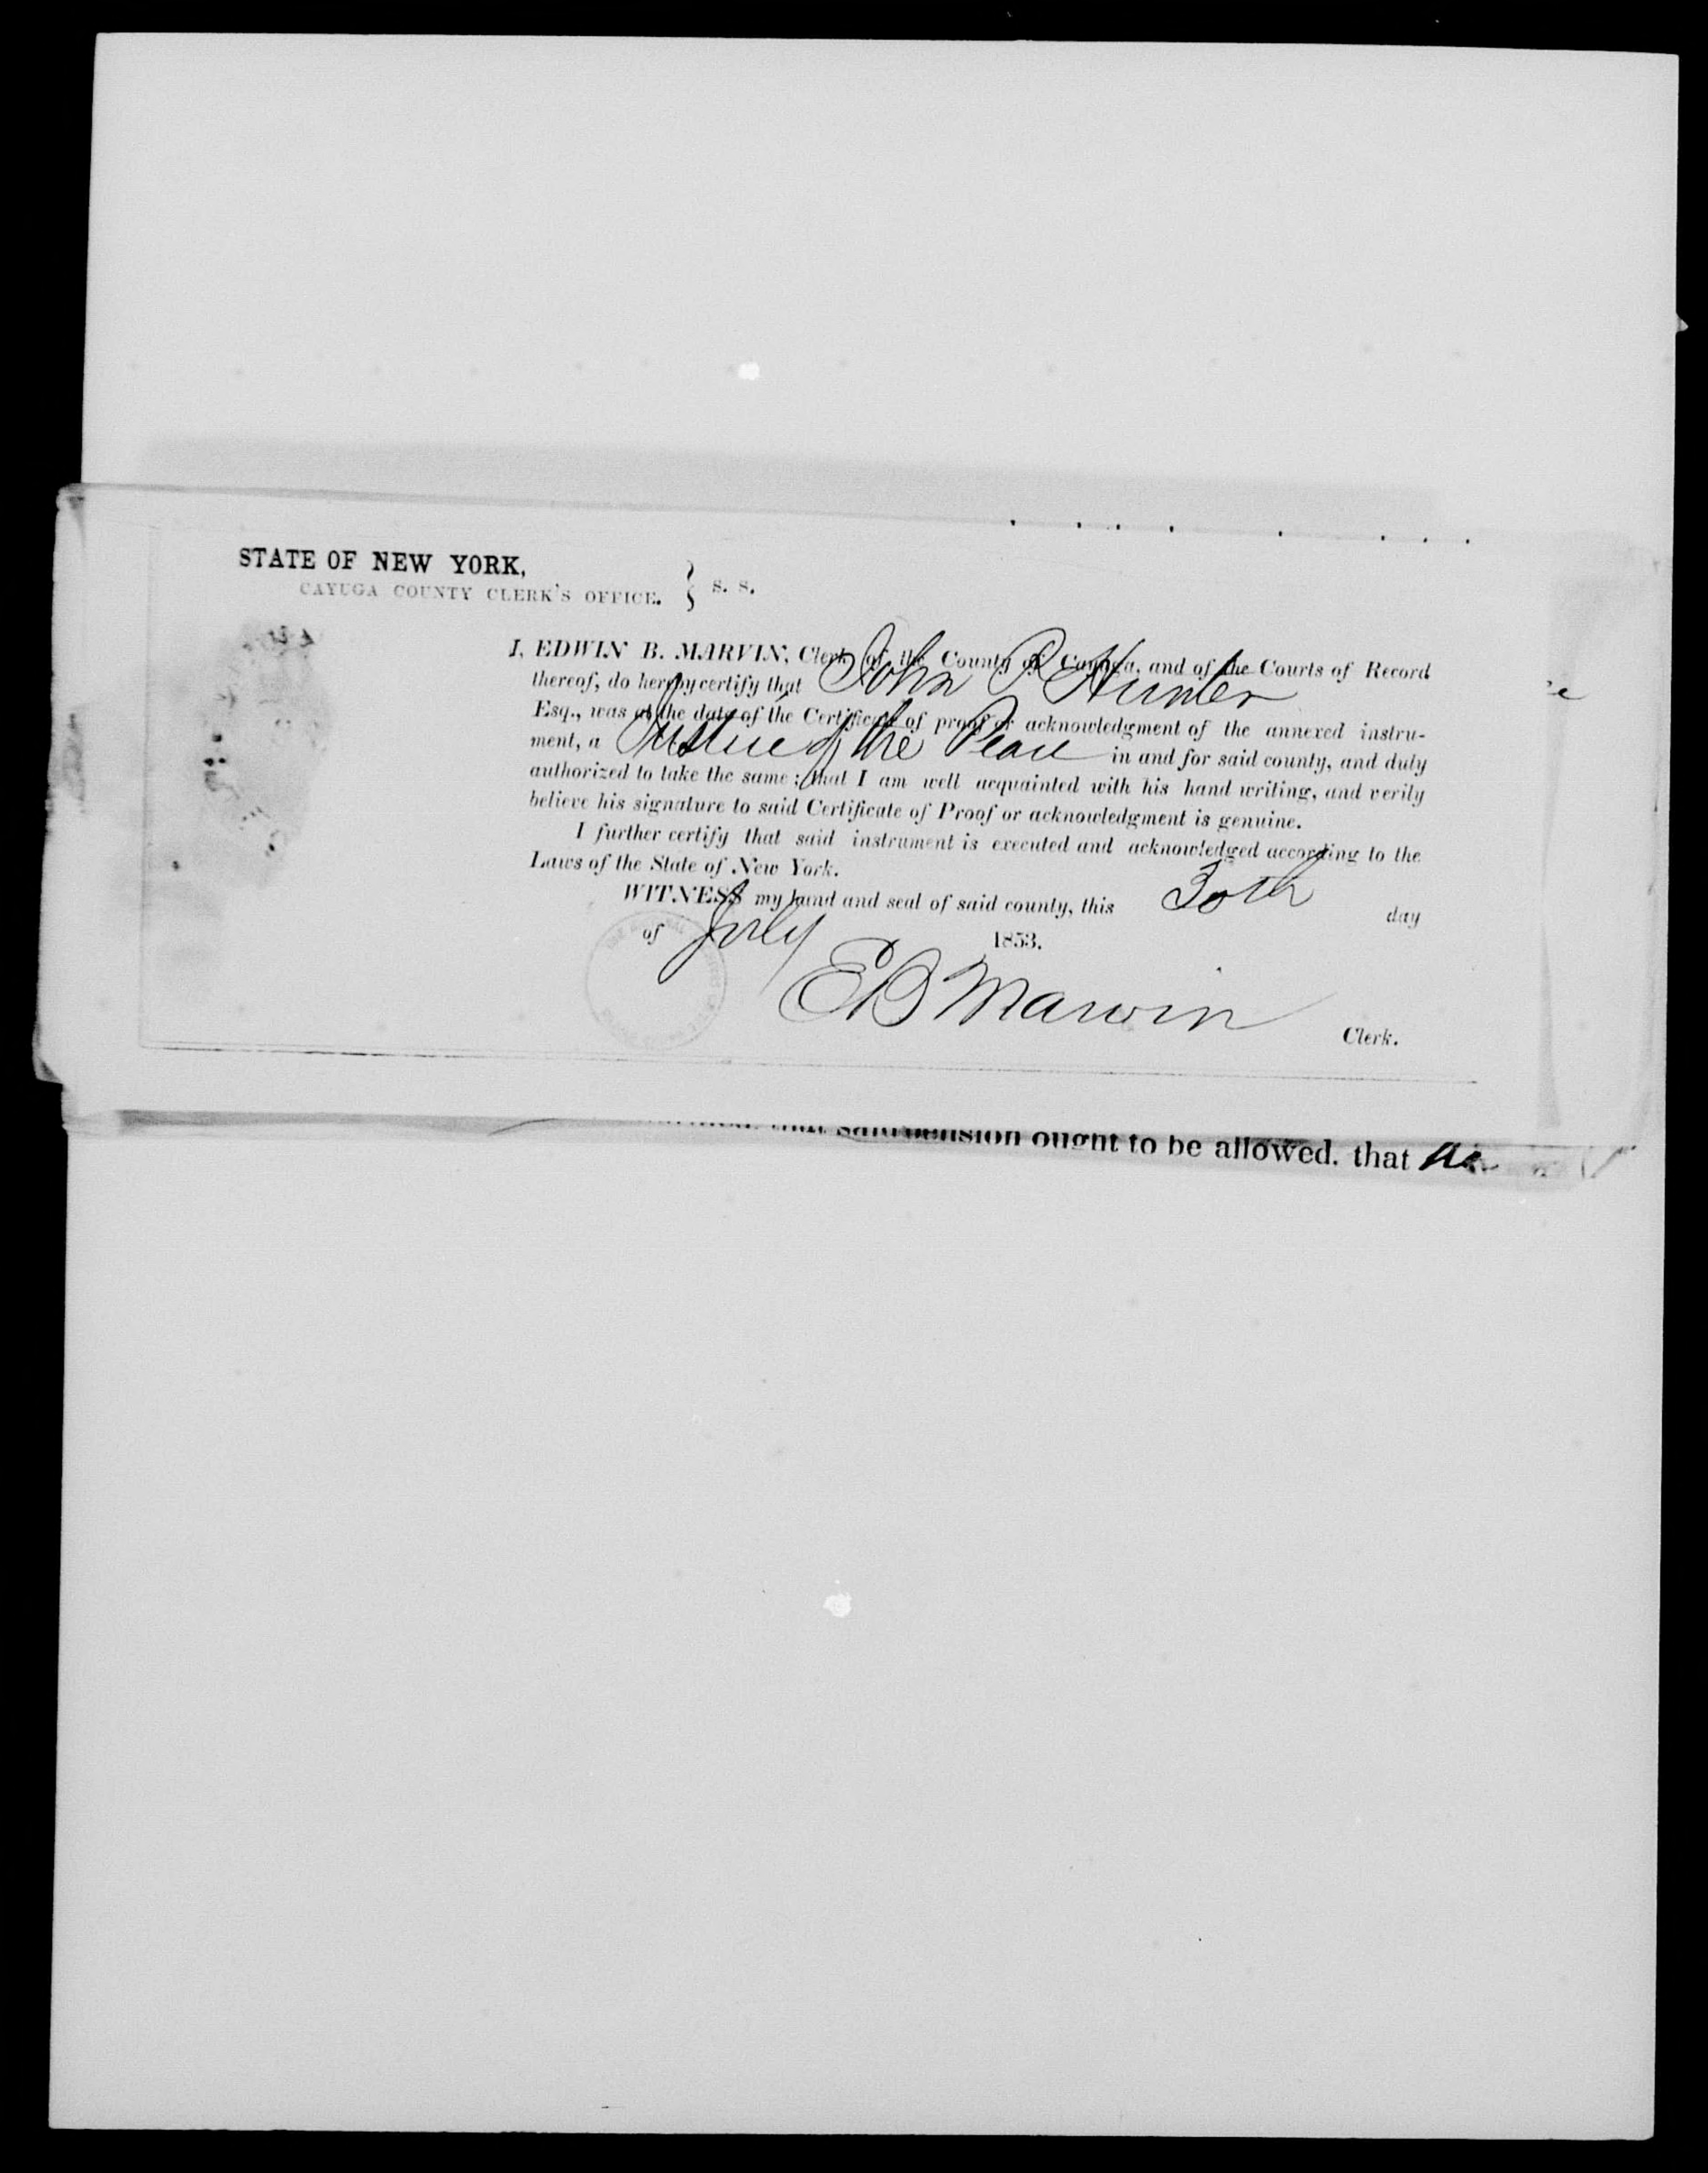State of New York, 		)

Cayuga County Clerk’s Office  )  S.S.

	J. Edwin B. Marvin, Clerk of the County of Cayuga, and the Courts of Record
thereof, do hereby certify that John P Hunter 
Esq., was at the date of the Certificate of proof or acknowledgment of the annexed instru-
ment, a Justice of the Peace in and for said county, and duly
authorized to take the same; that I am well acquainted with his hand writing, and verily
believe his signature to said Certificate of Proof or acknowledgment is genuine.
	I further certify that said instrument is executed and acknowledged according to the
Laws of the State of New York.
	Witness my hand and seal of said county, this 20th day 
of July 1853.
EB Marvin [signature] Clerk.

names: John P Hunter, Edwin B Marvin, E B Marvin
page: 17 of 40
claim: rejected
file: R. 1,570, Samuel Culver, New Jersey